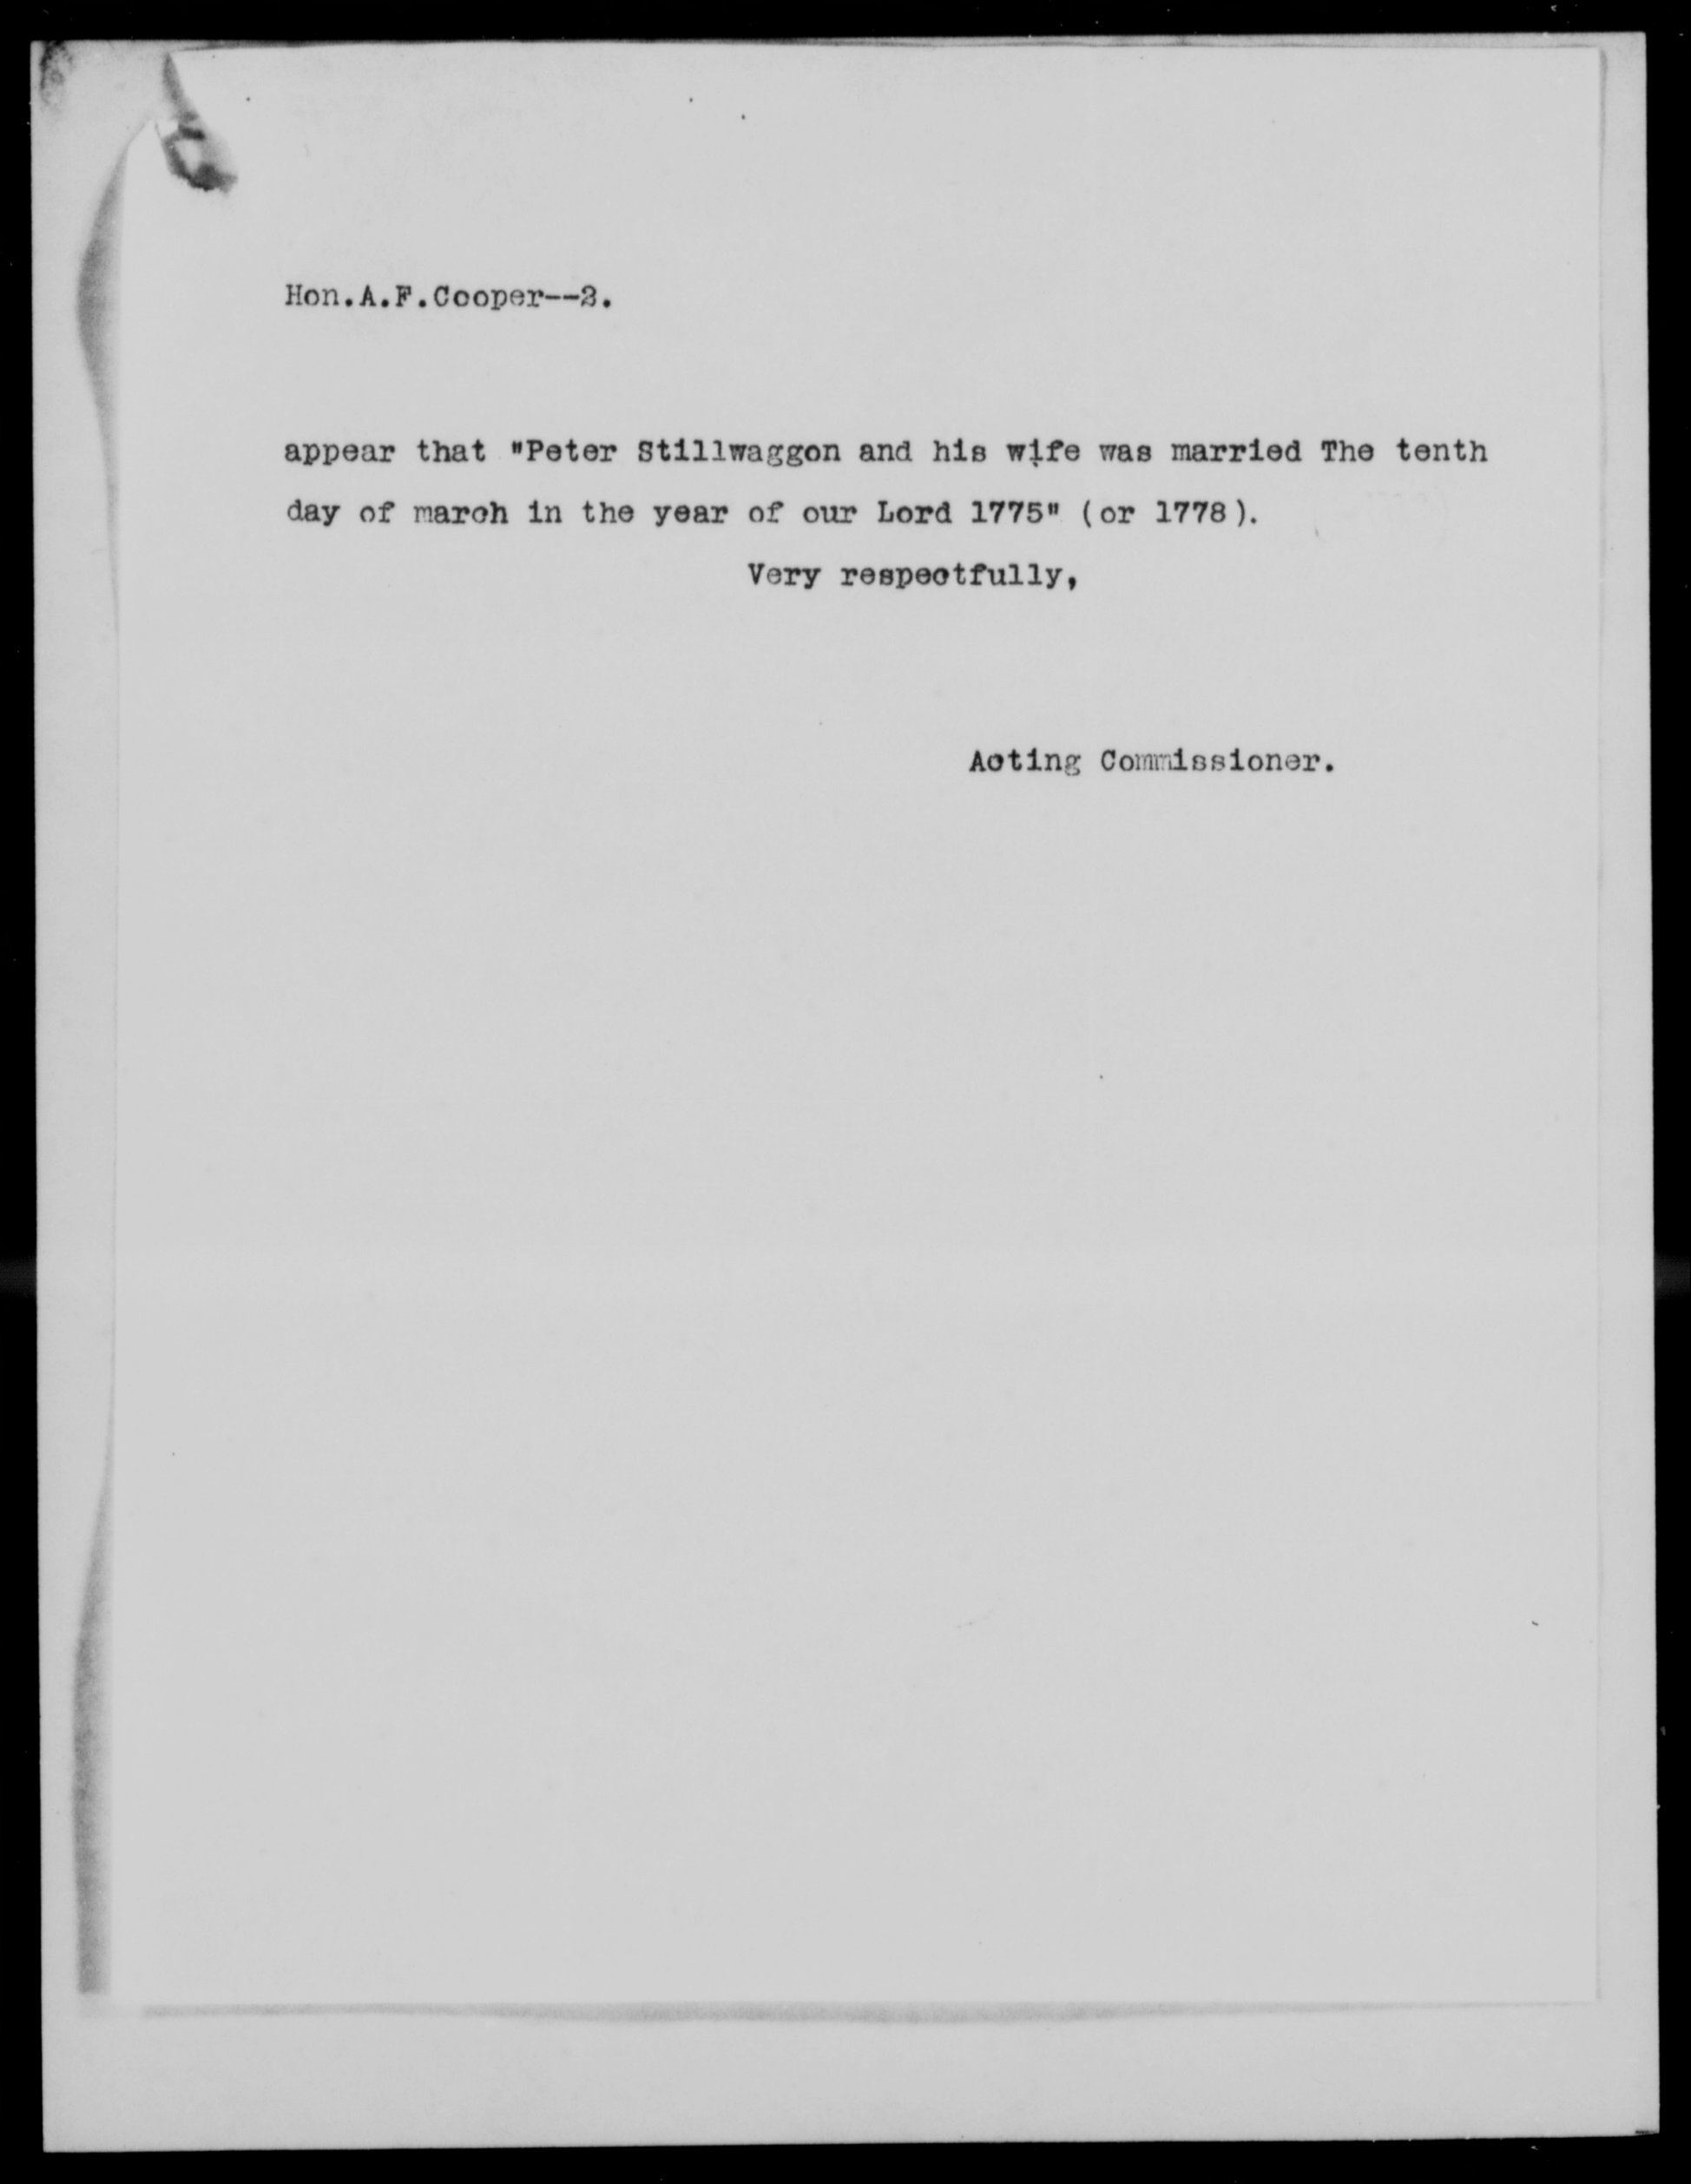Hon. A. F. Cooper – 2
appear that *Peter Stillwaggon and his wife was [sic] married the tenth of March in the year of our Lord 1775* (or 1776).
Very respectfully,

Acting Commissioner.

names: A F Cooper; Peter Stillwaggon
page: 16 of 73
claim: widow's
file: W. 3197, for Peter Stillwagon, New Jersey